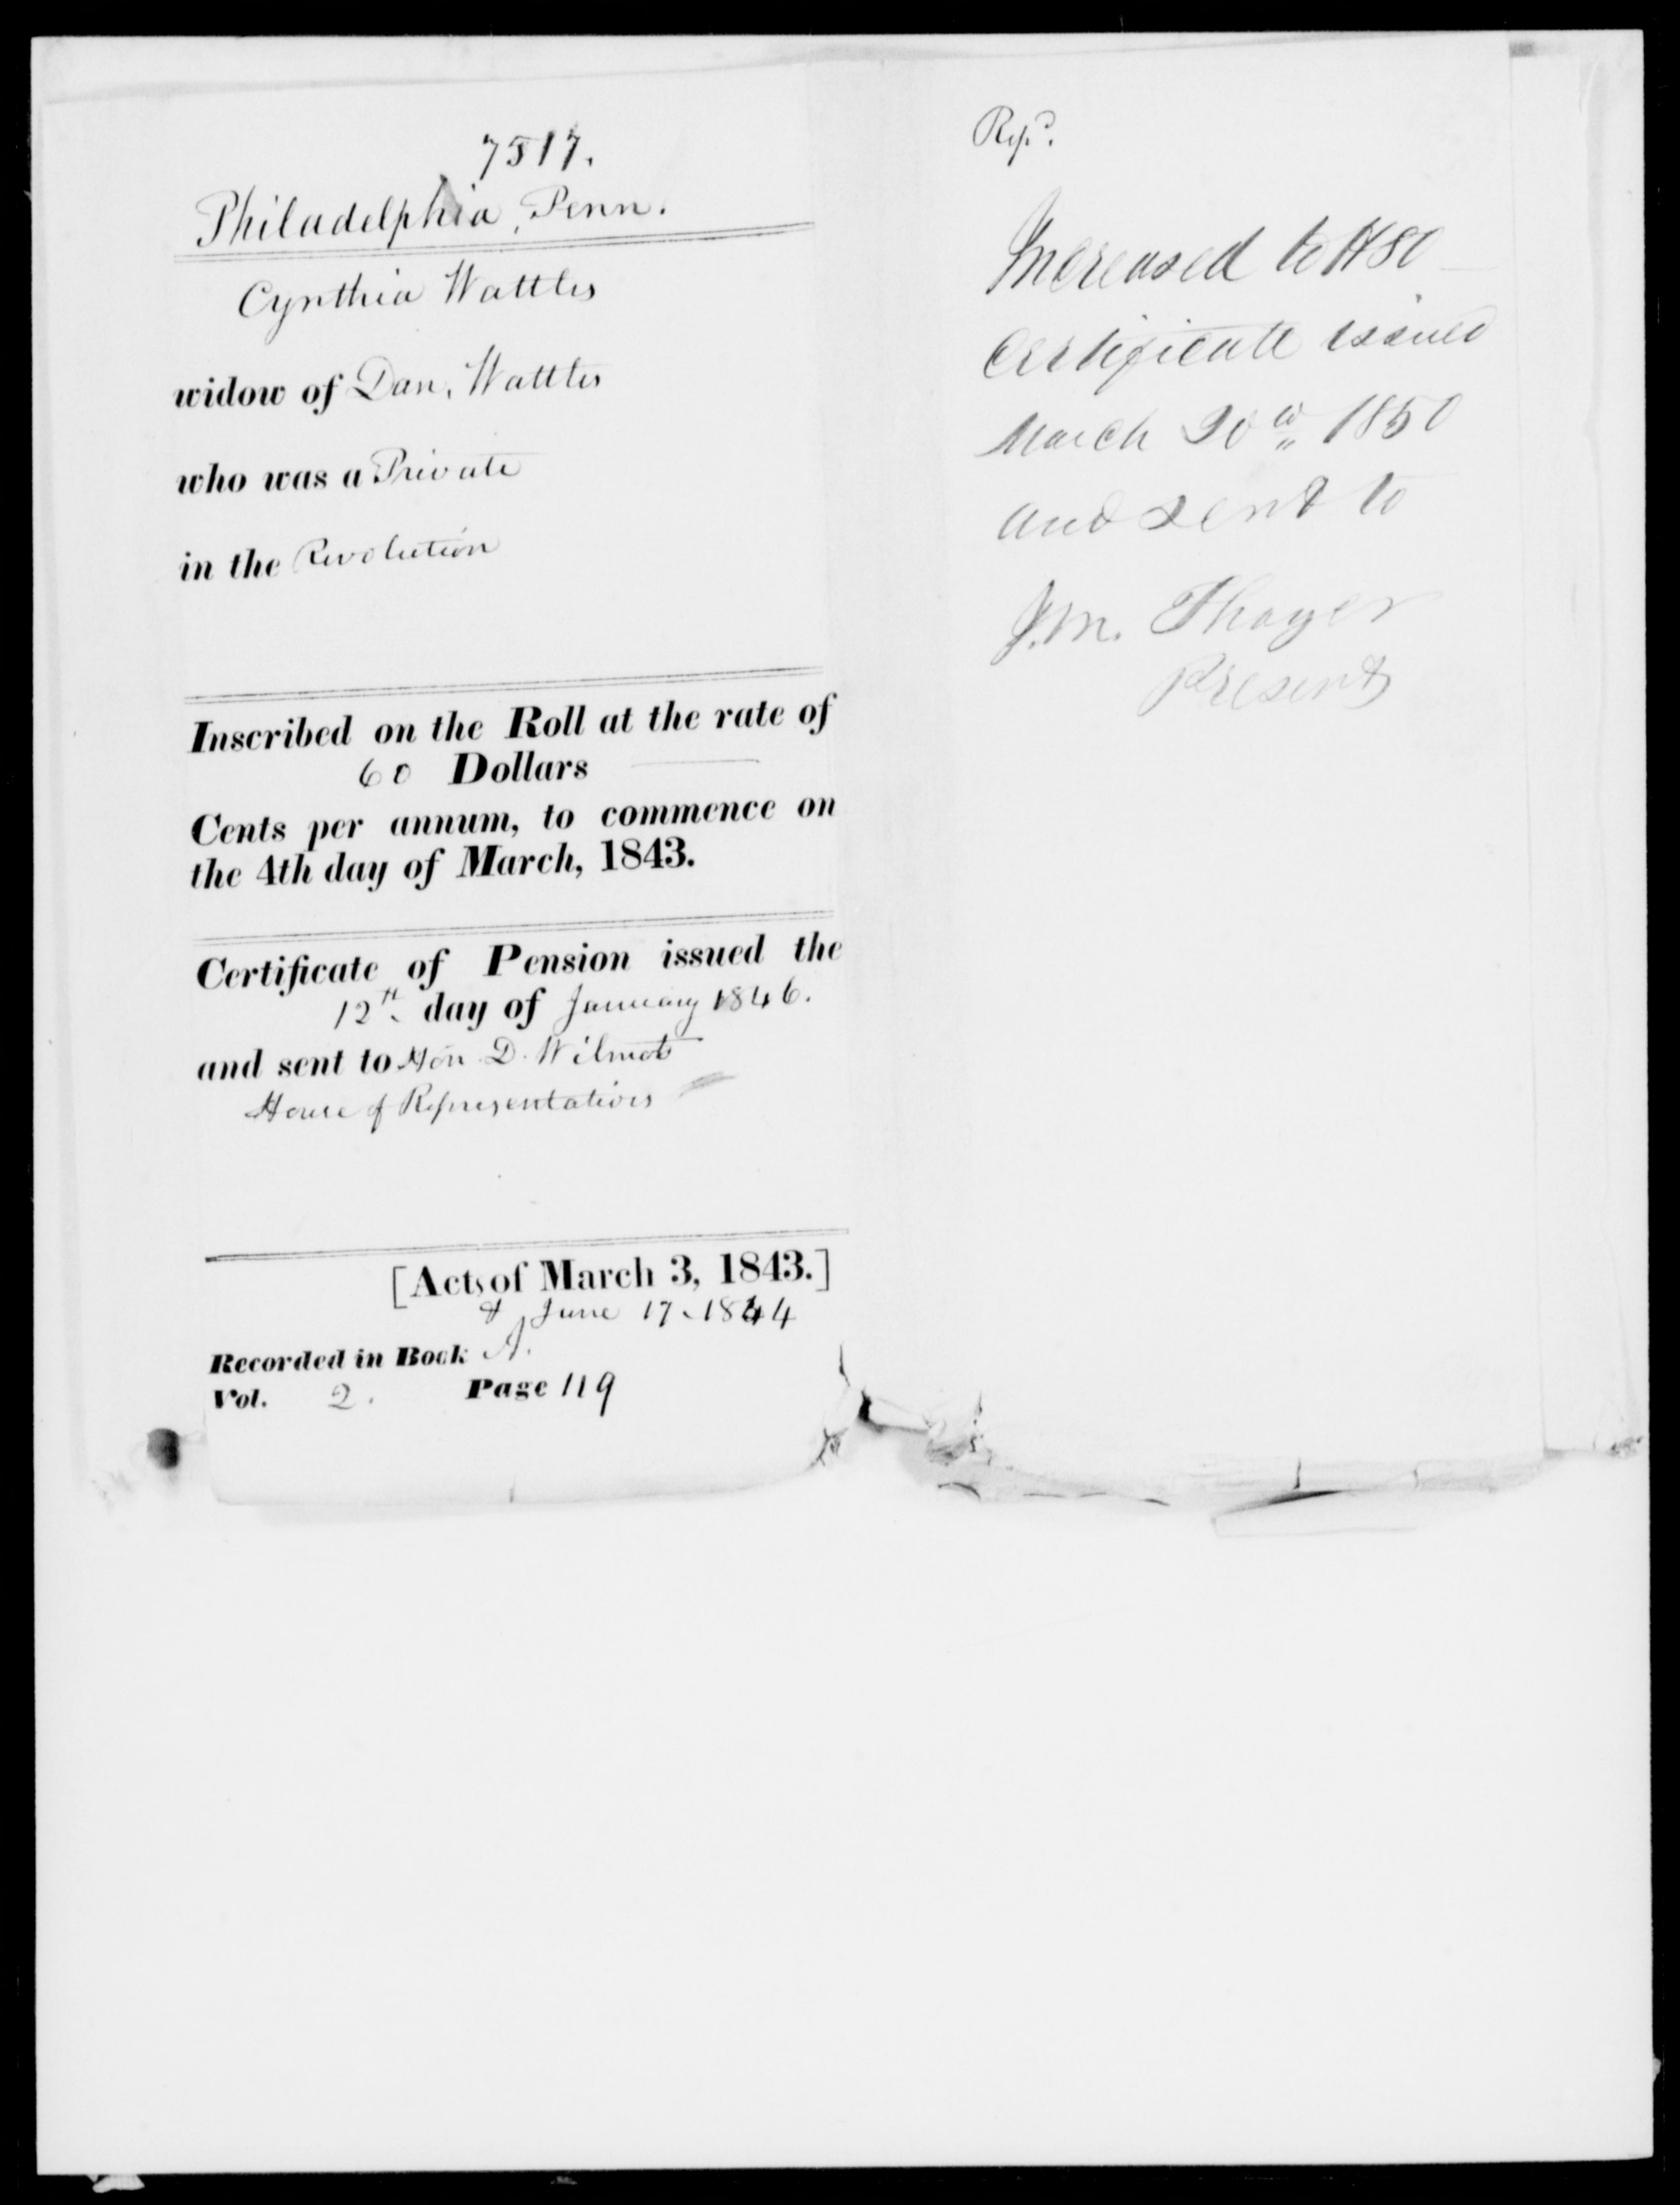7517.
Philadelphia, Penn.
-----------------------------
Cynthia Wattles
widow of Dan Wattles
who was a Private
in the Revolution
------------------------------
Inscribed on the Roll at the rate of
60 Dollars ------------
Cents per annum, to commence on 
the 4th day of March, 1843.
--------------------------------
Certificate of Pension issued the
12th day of January 1846.
and sent to Hon. D Wilmot
House of Representatives
---------------------------------
[Acts of March 3, 1843.]
& June 17, 1844

Recorded in Book  A.
Vol.   2.     Page 119


Increased to $80
certificate issued
March 20th 1850
and sent to J. M. Thayer
Present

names: J M Thayer, D Wilmot, Cynthia Wattles, Dan Wattles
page: 26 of 70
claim: widow's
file: W. 3743, Dan Wattles, Conn.